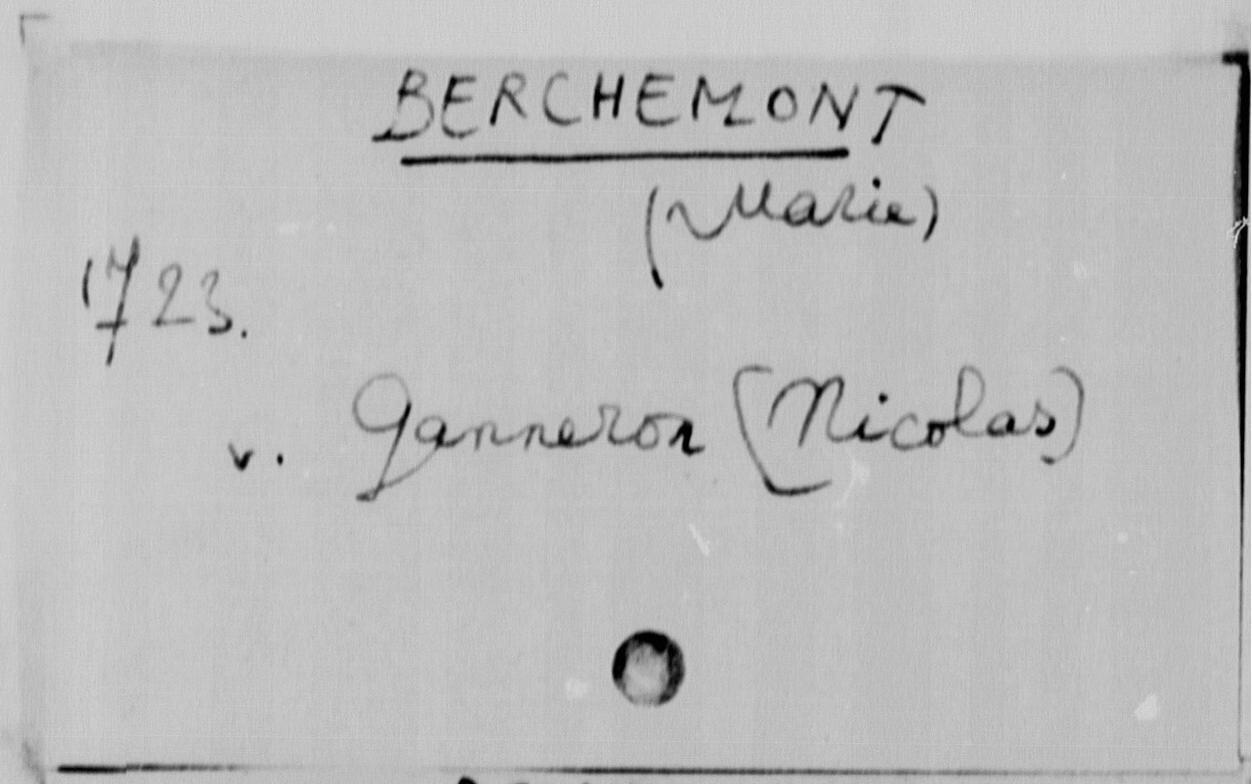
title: BERCHEMONT (Marie)
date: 1723
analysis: Voir : GANNERON (Nicolas)
